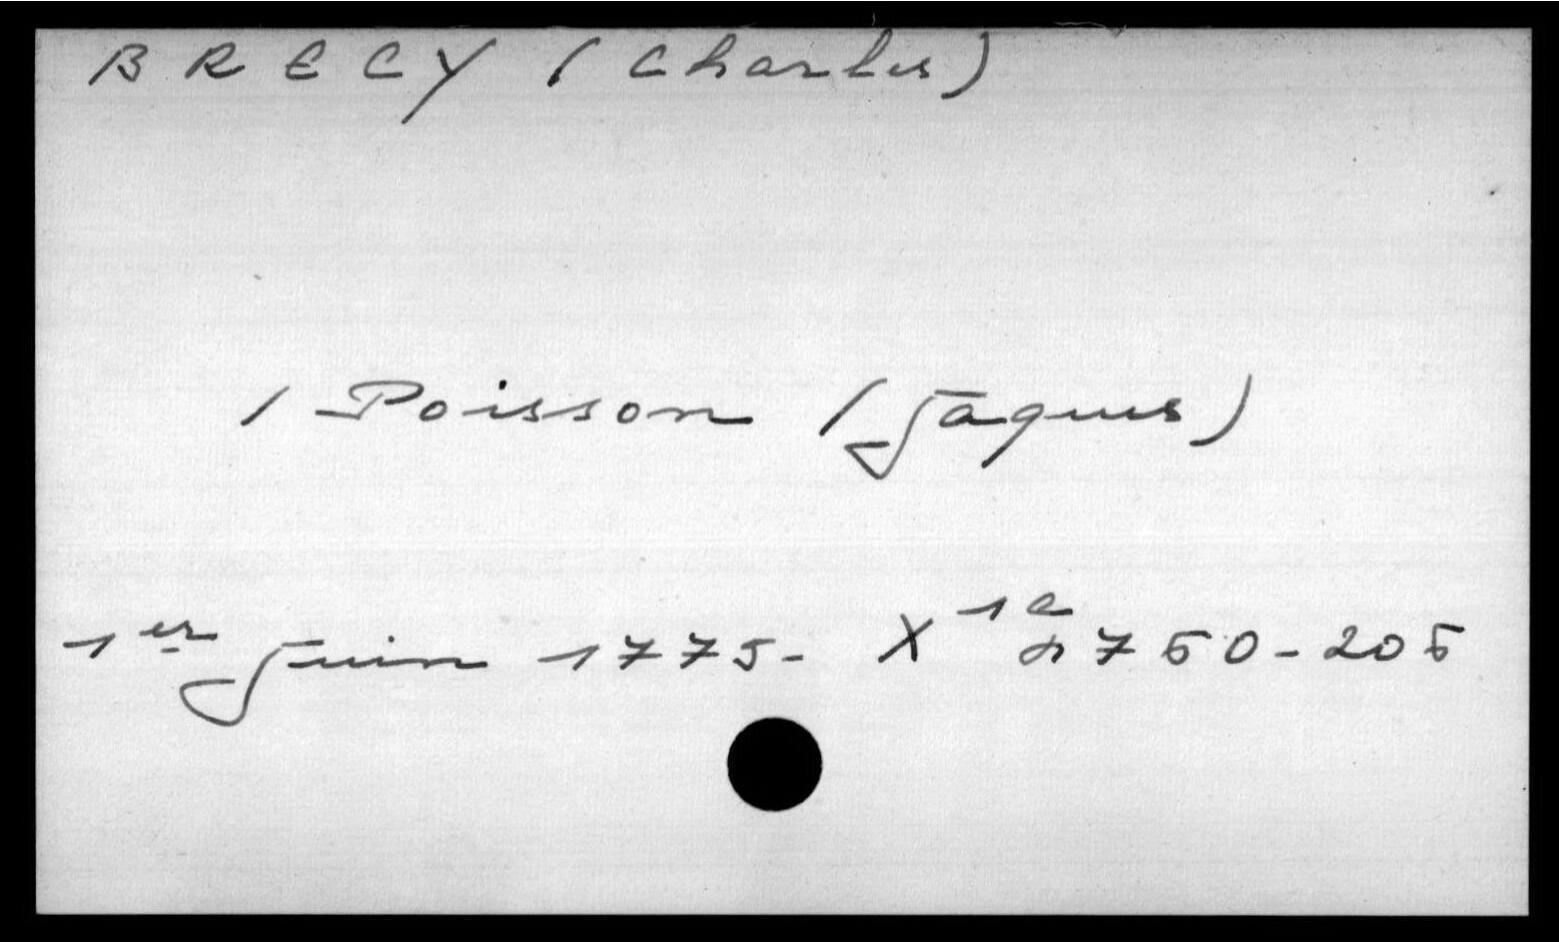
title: BRECY (Charles)
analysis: Contre Poisson (Jacques)
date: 1 juin 1775
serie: X1a
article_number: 4760
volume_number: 206
